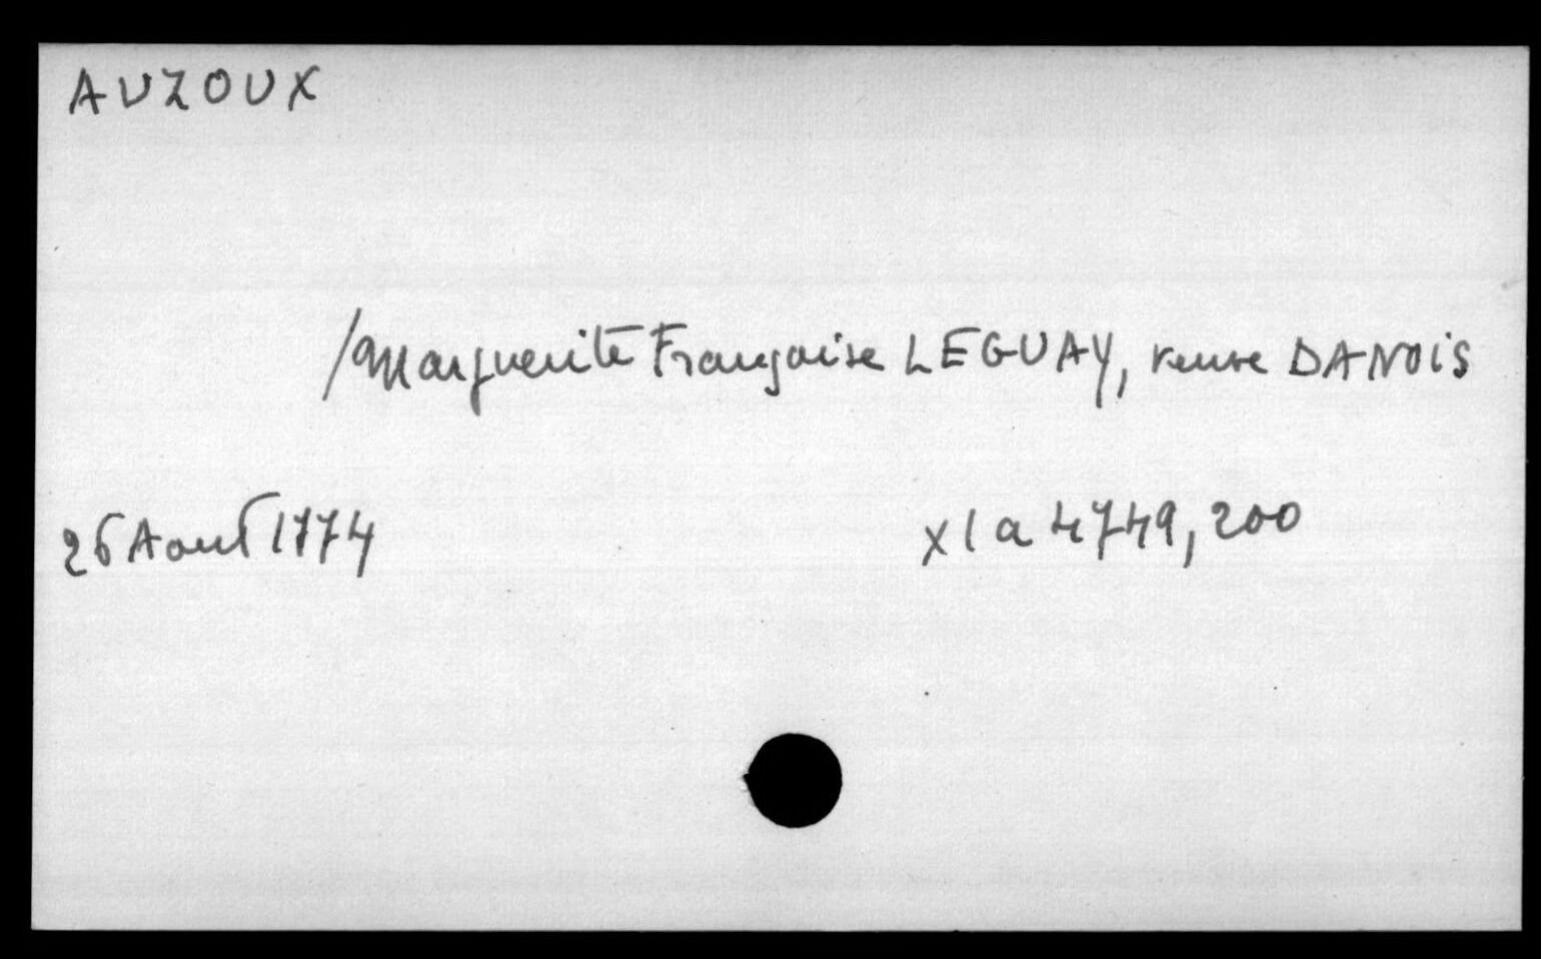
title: AUZOUX
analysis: Contre Marguerite Françoise LEGUAY, veuve DANOIS
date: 26 août 1774
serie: X1a
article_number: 4749
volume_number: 200
